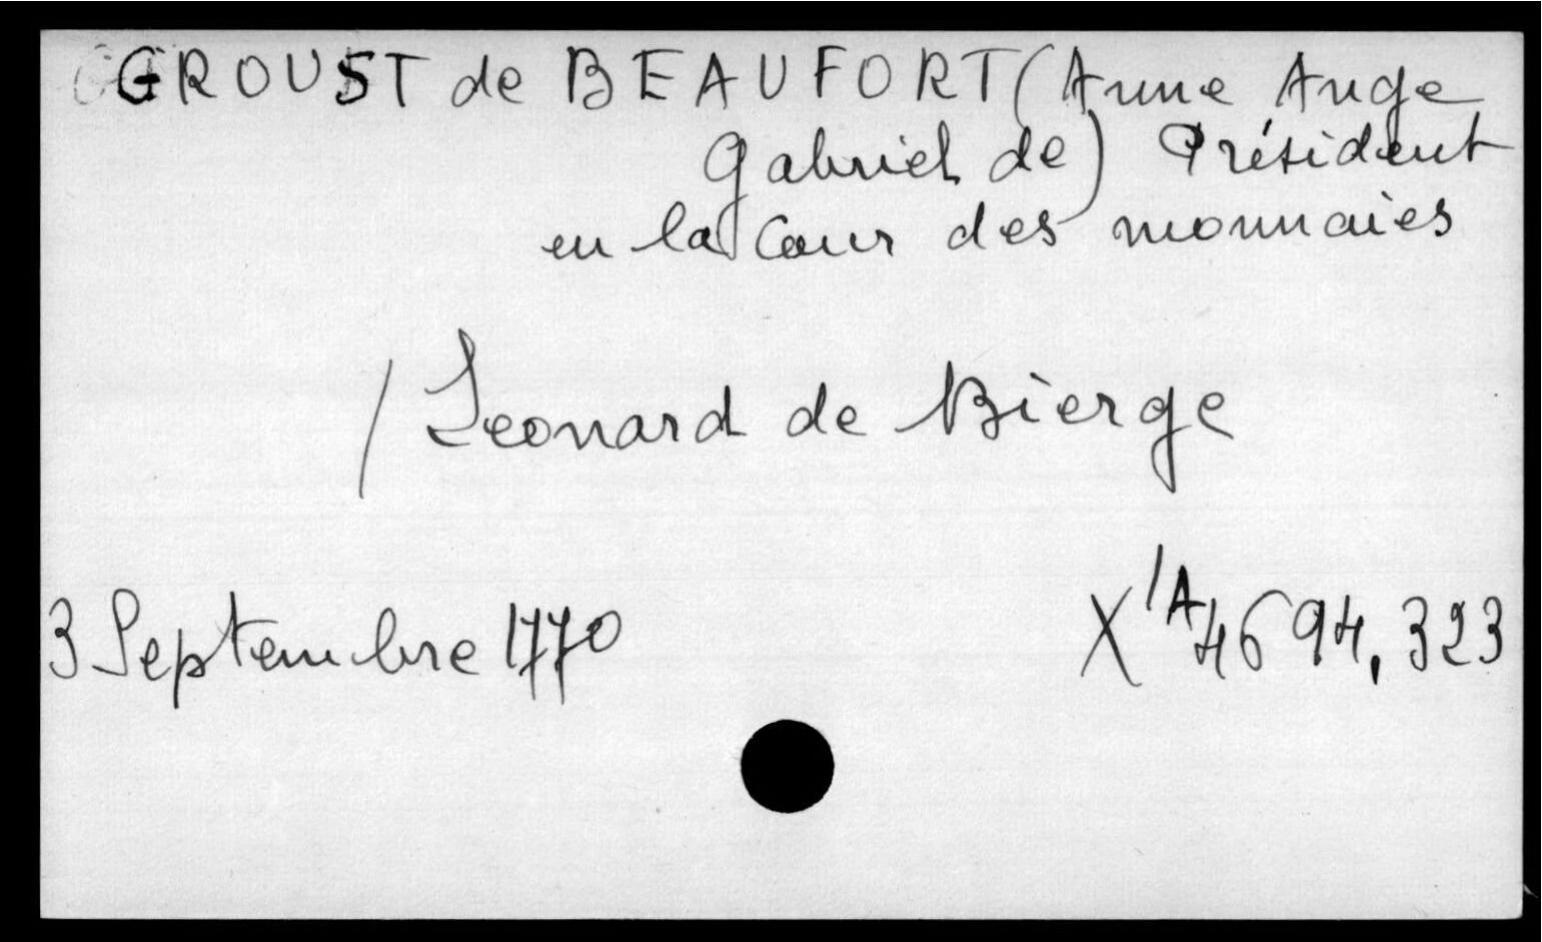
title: GROUST de BEAUFORT (Anne Ange Gabriel de), président en la Cour des monnaies
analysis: Contre Léonard de Bierge
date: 3 septembre 1770
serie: X1A
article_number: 4694
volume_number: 323
